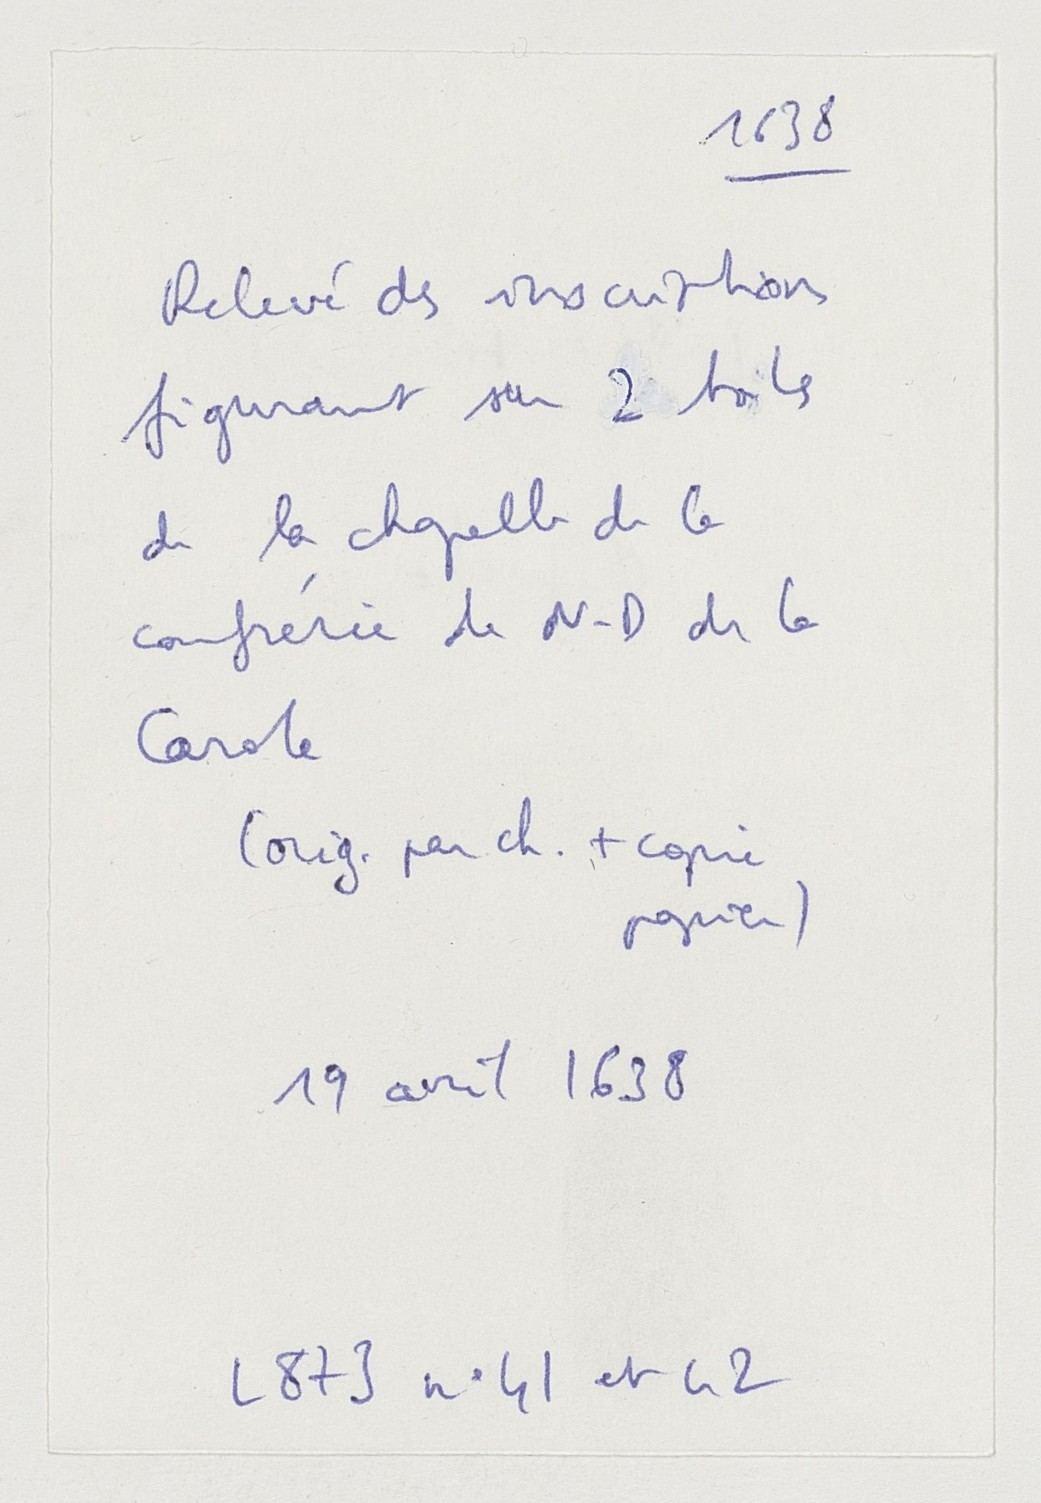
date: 1638
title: Relevé des inscriptions figurant sur 2 toiles de la chapelle de la confrérie de Notre-Dame de la Carole
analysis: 19 avril 1638
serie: L
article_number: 873
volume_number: n° 41 et 42
